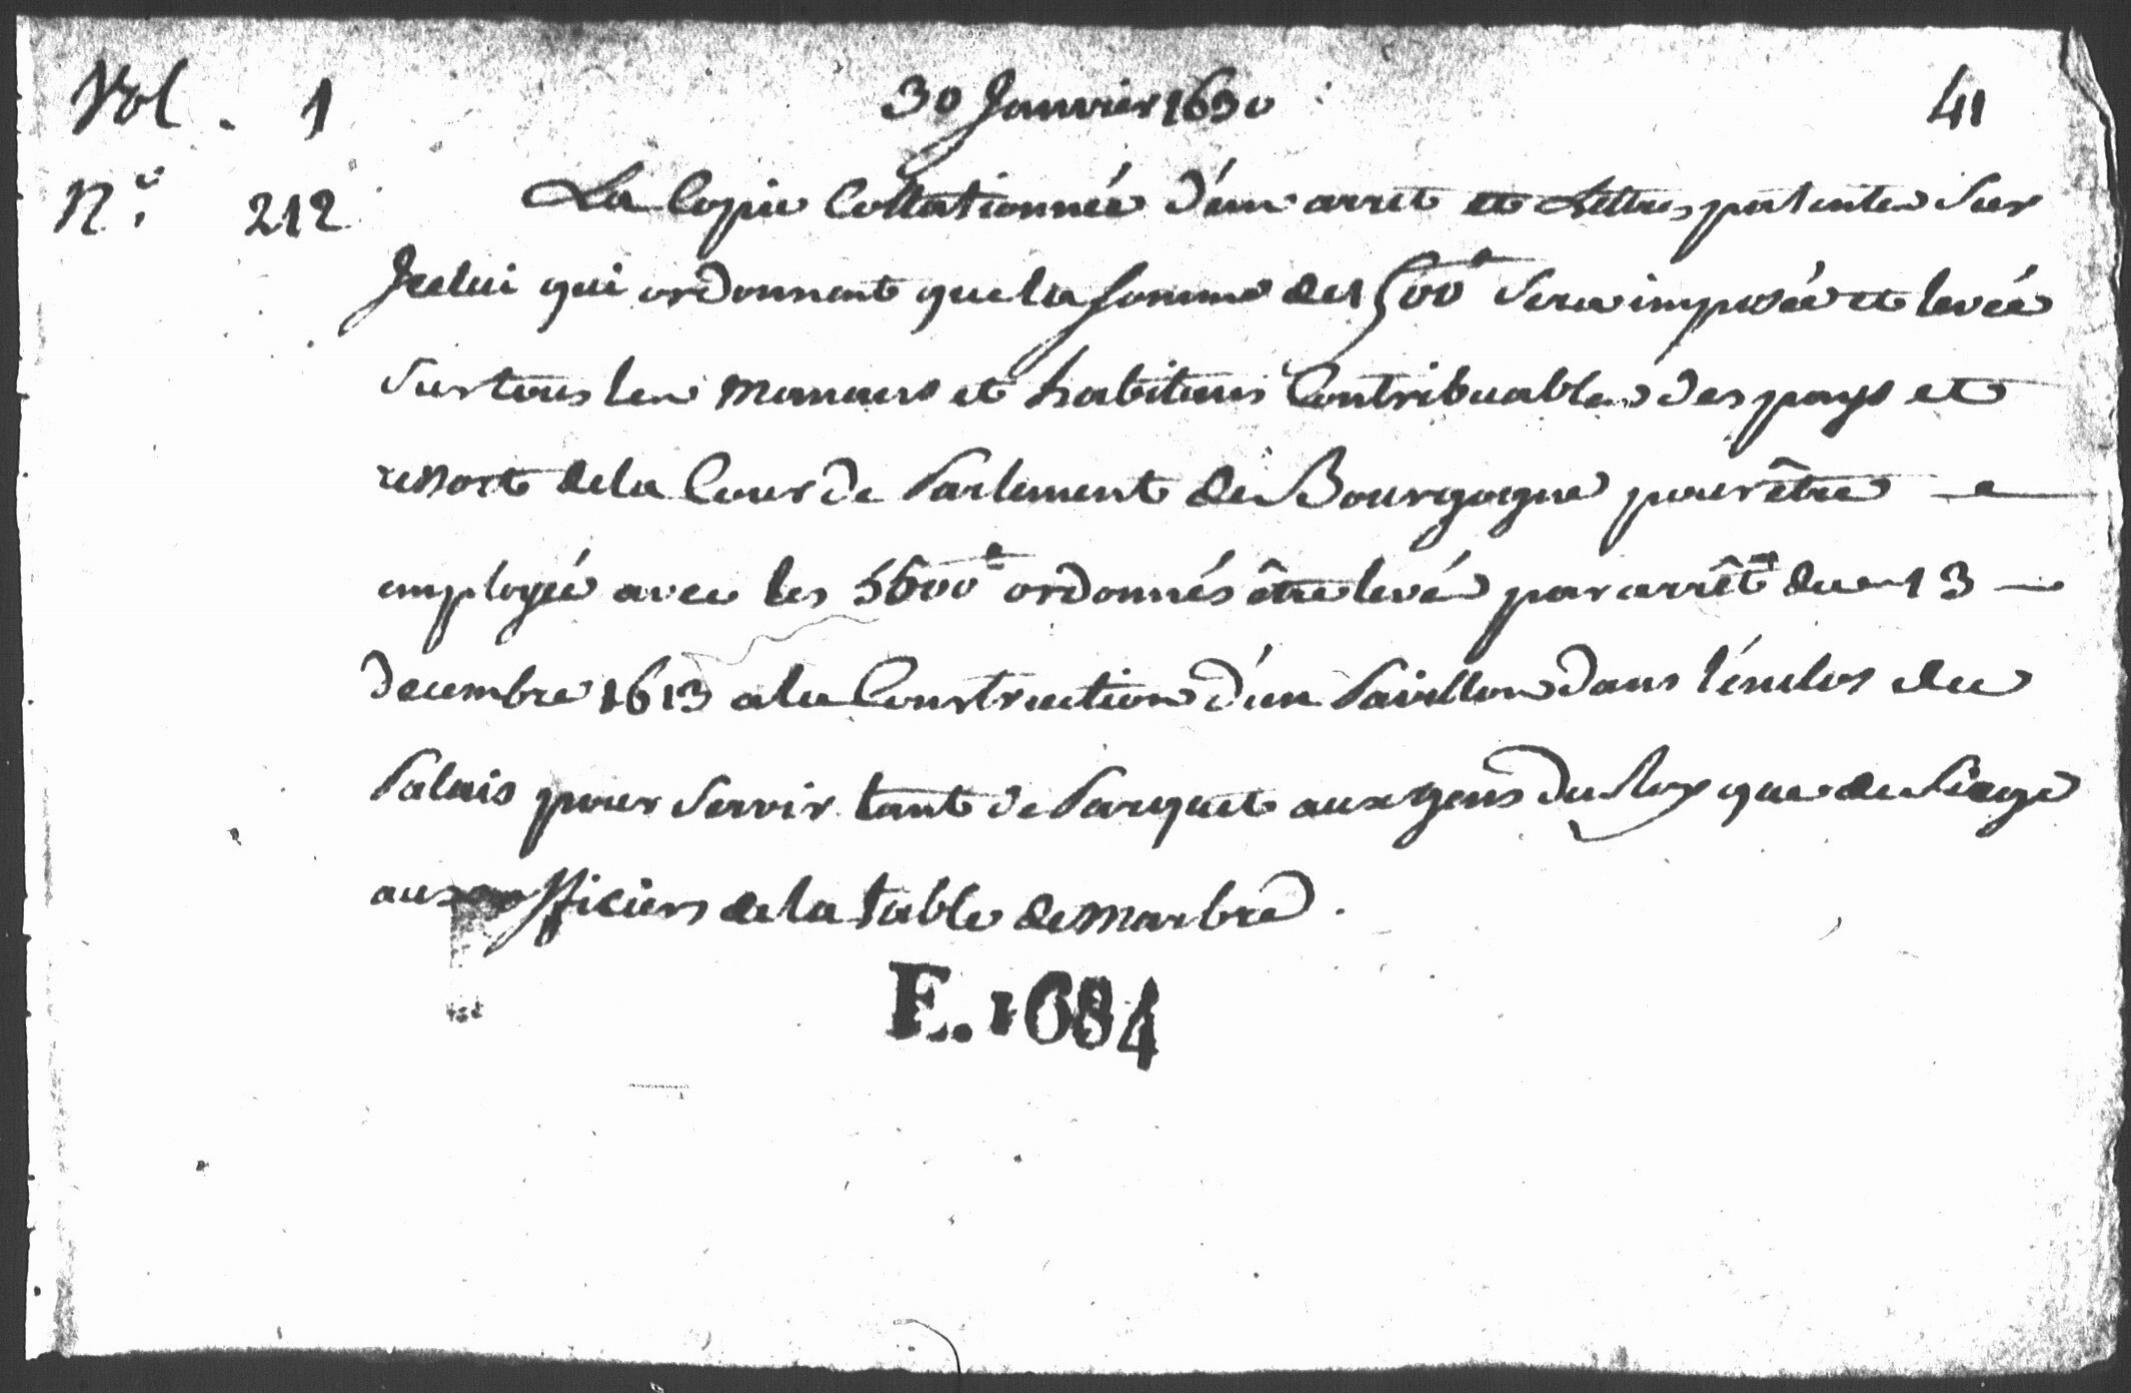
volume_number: n°212
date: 30 janvier 1630
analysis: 41
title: La copie collationnée d'un arret et lettres patentes sur icelui qui ordonnent que la somme de 1500 # sera imposée et levée sur tous les manans et habitans contribuables des pays et ressort de la Cour de Parlement de Bourgogne pour être employée avec les 5600 # ordonnés être levés par arrêt du 13 decembre 1613 a la construction d'un pavillon dans l'enclos du Palais pour servir tant de Parquet aux gens du Roy que de siège aux officiers de la table de marbre.
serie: E
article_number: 1684
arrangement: vol. 1
